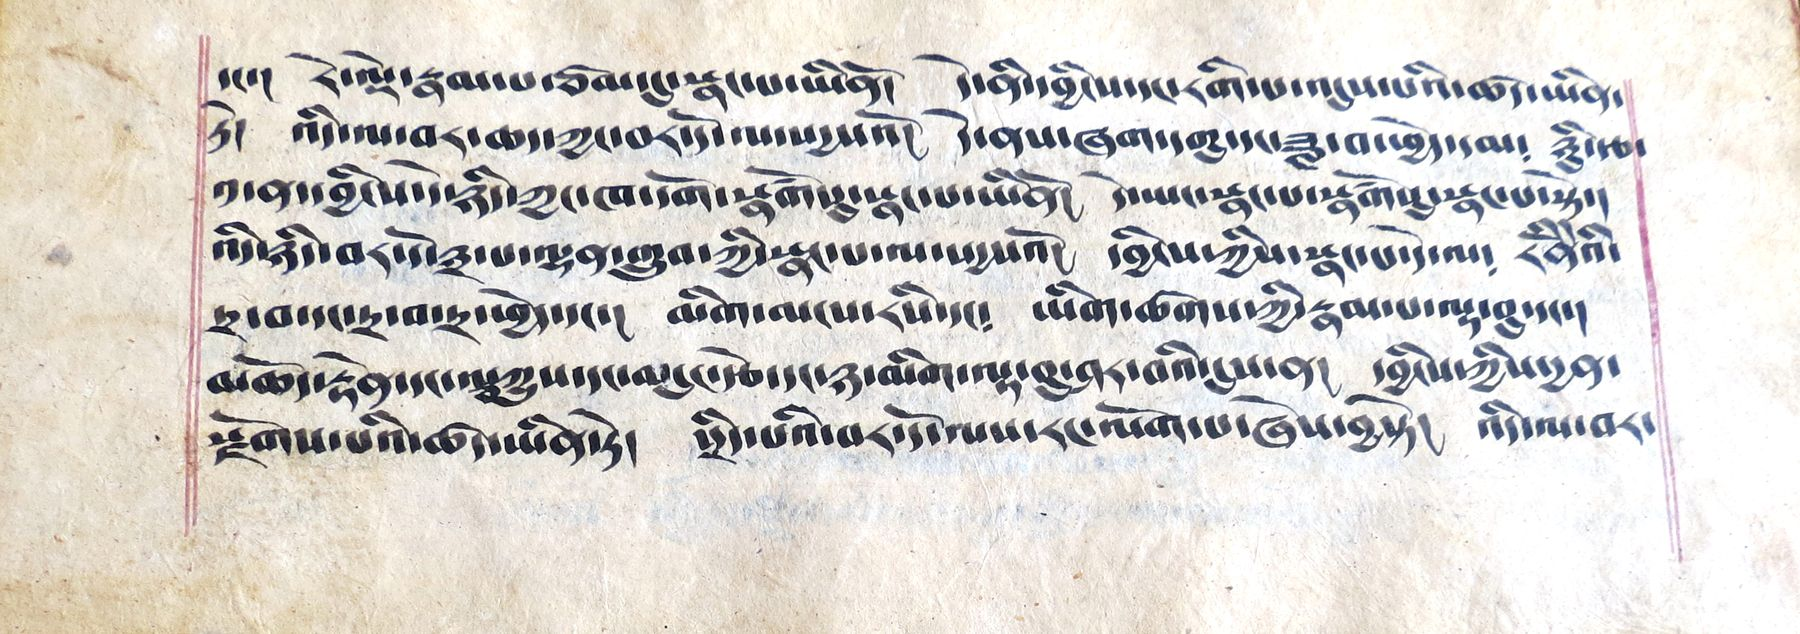དང་། རེ་ལྡེའི་རྣམ་པ་ཙམ་དུ་སྣང་བ་ཡིན་ནོ། །དེ་ནི་དབྱིངས་ལ་རིག་པ་འདུས་པའི་ཚད་ཡིན་
ཏེ། འདི་ལ་བར་ཆད་ཀྱང་བར་དོ་ལ་སངས་རྒྱའོ། །དེ་ནས་ཞག་དགུ་དང་ཟླ་བ་ཕྱེད་དང་ཉི་ཤུ་རྩ་
གཅིག་ན། དབྱིངས་དེ་ཉིད་ཀྱང་ཁ་དོག་སྣ་ཚོགས་སུ་སྣང་བ་ཡིན་ནོ། །དེ་ཡང་སྣང་བ་སྣ་ཚོགས་སུ་སྣང་པ་སྟེ། 
འདི་ཉིད་བར་དོ་གསུམ་པ་ལྷུན་གྲུབ་ཀྱི་སྣང་བ་ལ་སངས་རྒྱའོ། །དབྱིངས་ཀྱི་སྣང་བ་དེ་ལ། རིན་པོ་ཆེའི་
དྲྭ་བ་དང་། དྲྭ་བ་དྲྭ་ཕྱེད་དང་། མིག་མང་རིས་དང་། ཡིག་ཚོགས་ཀྱི་རྣམ་པ་ལྟ་བུ་དང་། 
མཆོད་རྟེན་དང་། ལྕགས་ཀྱུ་དང་མདུང་རྩེ་དང་། ཉ་མིག་ལྟ་བུ་ཤར་བའི་དུས་ན། དབྱིངས་ཀྱི་རྒྱན་
རྫོགས་པའི་ཚད་ཡིན་ཏེ། སྲིད་པའི་བར་དོ་ལ་རང་ལོག་པ་ཞེས་བྱ་སྟེ། འདི་ལ་བར་